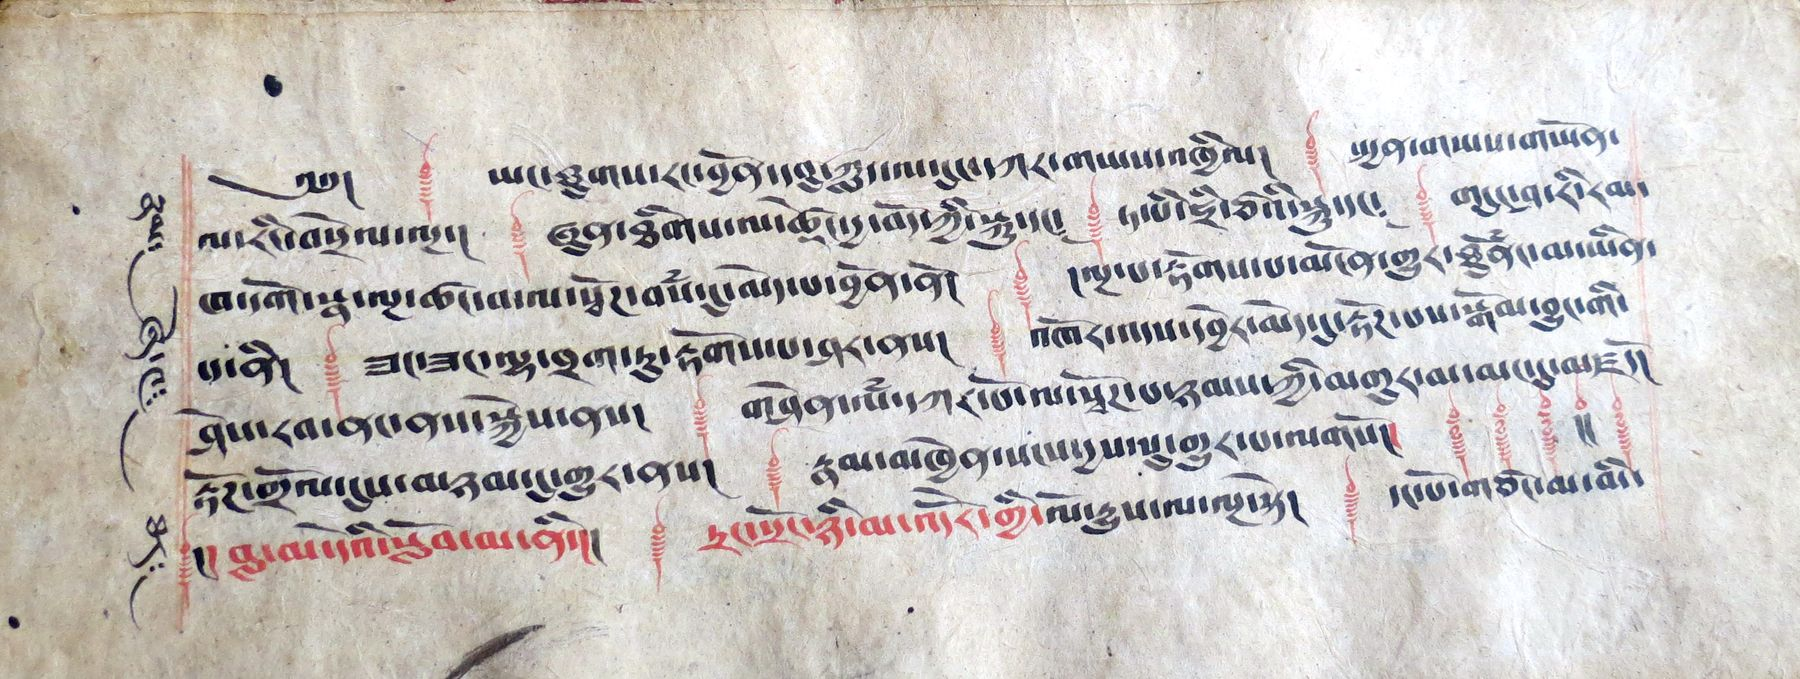ཡང་ཐུགས་རང་བྱོན་དབུ་ཀླད་ལ་དུང་དཀར་གཡས་འཁྱིལ། སྤྱན་གཡས་གཡོན་
ལ་རིང་བསྲེལ་ལྔ། ཞུན་ཐིགས་ལ་ཚེ་དབང་རྒྱ་བོད་ཀྱི་སྐུ་དང་། ཏ་པི་ཧྲི་ཙའི་སྐུ། གདུང་ཤ་རི་རམ་
ཁ་དོག་ལྔ་སྣང་ལྔ་ཚངས་པ་ལ་སོགས་བསམ་དུ་མེད་པ་བྱོན་ནོ། ལྔ་པ་རྟོགས་པ་མངོན་གྱུར་ཐུན་མོང་མ་ཡིན་
པ་ནི། ཟང་ཟང་ལྷ་བྲག་ཏུ་རྟོགས་པ་ཤར་ནས། འཁོར་འདས་དབྱེར་མེད་དུ་རྟོགས་པས་སྒོམ་བྱུང་གི་
ཤེས་རབ་ནང་ནས་སྐྱེས་ནས། གཤེན་ལམ་དཀར་པོ་ལ་སོགས་པ་ཉམས་་ཀྱི་མགུར་མ་མང་དུ་མཛད་དོ། ། 
རྟོགས་གྲོལ་དུས་མཉམ་དུ་གྱུར་ནས། རྣམ་མཁྱེན་སངས་རྒྱས་སུ་གྱུར་པ་ལགས་སོ། ། 
།། བླ་མ་དེའི་སློབ་མ་ནི་དྲང་སྲོང་ཉི་མ་འོད་ཟེར་གྱི་ལོ་རྒྱུས་ལ་ལྔ་སྟེ། དང་པོ་གཙང་མ་མི་